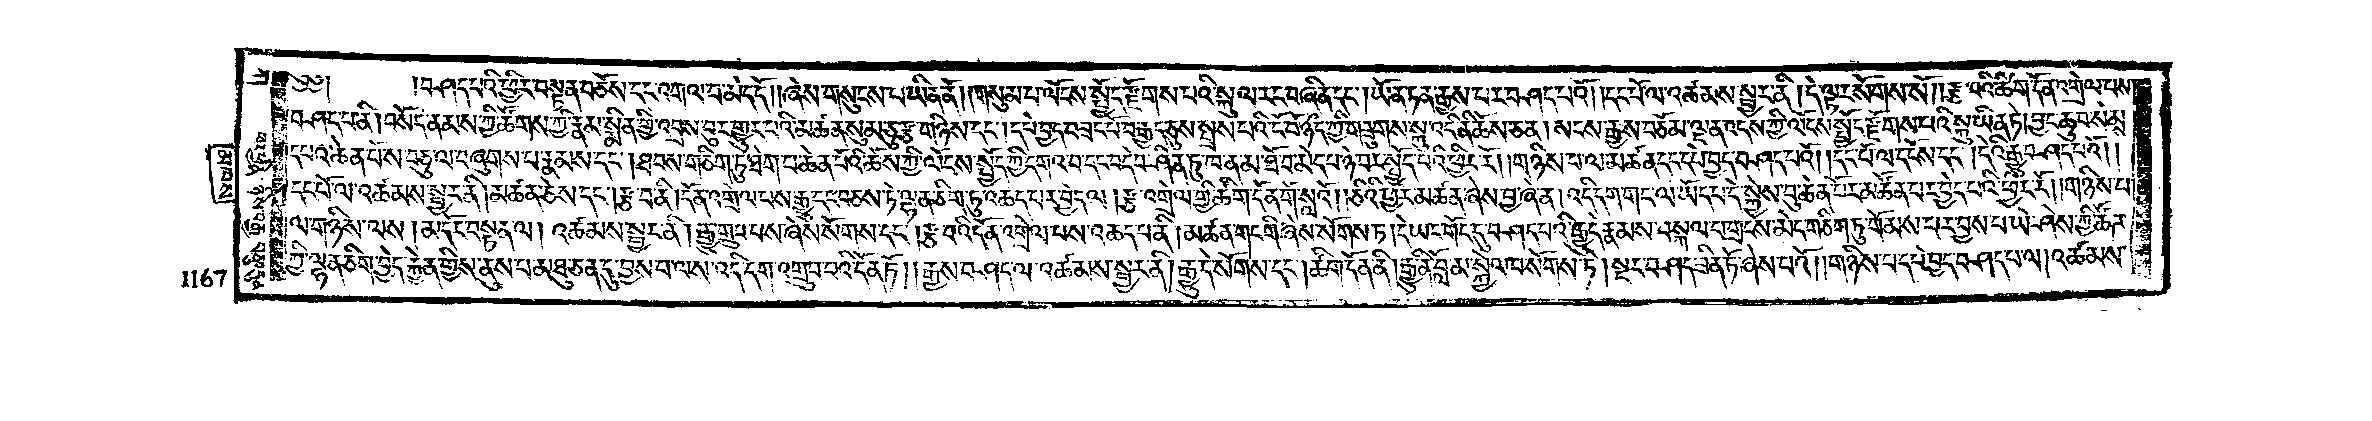༄༅། །བཤད་པའི་ཕྱིར་བསྟན་བཅོས་དང་འགལ་བ་མེད་དོ། །ཞེས་གསུངས་པ་ཡིན་ནོ། །གསུམ་པ་ལོངས་སྤྱོད་རྫོགས་པའི་སྐུ་ལ་རང་བཞིན་དང་། ཡོན་ཏན་རྒྱས་པར་བཤད་པའོ། །དང་པོ་ལ་འཚམས་སྦྱར་ནི། དེ་ལྟར་སོགས་སོ། །རྩ་བའི་ཚིག་དོན་འགྲེལ་པས་
བཤད་པ་ནི། བསོད་ནམས་ཀྱི་ཚོགས་ཀྱི་རྣམ་སྨིན་གྱི་འབྲས་བུར་གྱུར་པའི་མཚན་སུམ་ཅུ་རྩ་གཉིས་དང་། དཔེ་བྱད་བཟང་པོ་བརྒྱད་ཅུས་སྤྲས་པའི་ངོ་བོ་ཉིད་ཀྱི་གཟུགས་སྐུ་འདི་ནི་ཆོས་ཅན། སངས་རྒྱས་བཅོམ་ལྡན་འདས་ཀྱི་ལོངས་སྤྱོད་རྫོགས་པའི་སྐུ་ཡིན་ཏེ། བྱང་ཆུབ་སེམས་
དཔའ་ཆེན་པོ་ས་བཅུ་ལ་བཞུགས་པ་རྣམས་དང་། ཐབས་གཅིག་ཏུ་ཐེག་པ་ཆེན་པོའི་ཆོས་ཀྱི་ལོངས་སྤྱོད་ཀྱི་དགའ་བ་དང་བདེ་བ་ཤིན་ཏུ་ཁ་ན་མ་ཐོ་བ་མེད་པ་ཉེ་བར་སྤྱོད་པའི་ཕྱིར་རོ། །གཉིས་པ་ལ་མཚན་དང་དཔེ་བྱད་བཤད་པའོ། །དང་པོ་ལ་དངོས་དང་། དེའི་རྒྱུ་བཤད་པའོ། །
དང་པོ་ལ་འཚམས་སྦྱར་ནི། མཚན་ཅེས་དང་། རྩ་བ་ནི། དོན་འགྲེལ་པས་རྒྱུ་དང་བཅས་ཏེ་ལྷན་ཅིག་ཏུ་འཆད་པར་བྱེད་ལ། རྩ་འགྲེལ་གྱི་ཚིག་དོན་གོ་སླའོ། །ཅིའི་ཕྱིར་མཚན་ཞེས་བྱ་ཞེ་ན། འདི་དག་གང་ལ་ཡོད་པ་དེ་སྐྱེས་བུ་ཆེན་པོར་མཚོན་པར་བྱེད་པའི་ཕྱིར་རོ། །གཉིས་པ་
ལ་གཉིས་ལས། མདོར་བསྟན་ལ། འཚམས་སྦྱར་ནི། རྒྱུ་གྲུབ་པས་ཞེས་སོགས་དང་། རྩ་བའི་དོན་འགྲེལ་པས་འཆད་པ་ནི། མཚན་གང་གི་ཞེས་སོགས་ཏེ། དེ་ཡང་གོང་དུ་བཤད་པའི་རྒྱུ་དེ་རྣམས་བསྐལ་བ་གྲངས་མེད་གཅིག་ཏུ་གོམས་པར་བྱས་པ་ཡེ་ཤེས་ཀྱི་ཚོགས་
ཀྱི་ལྷན་ཅིག་བྱེད་རྐྱེན་གྱིས་ནུས་པ་མཐུ་ཅན་དུ་བྱས་པ་ལས་འདི་དག་འགྲུབ་པའི་དོན་ཏོ། །རྒྱས་བཤད་ལ་འཚམས་སྦྱར་ནི། རྒྱུ་དེ་སོགས་དང་། ཚིག་དོན་ནི། རྒྱུ་ནི་བློ་མ་སྐྱེལ་བ་སོགས་ཏེ། སྔར་བཤད་ཟིན་ཏོ་ཞེས་པའོ། །གཉིས་པ་དཔེ་བྱད་བཤད་པ་ལ། འཚམས་